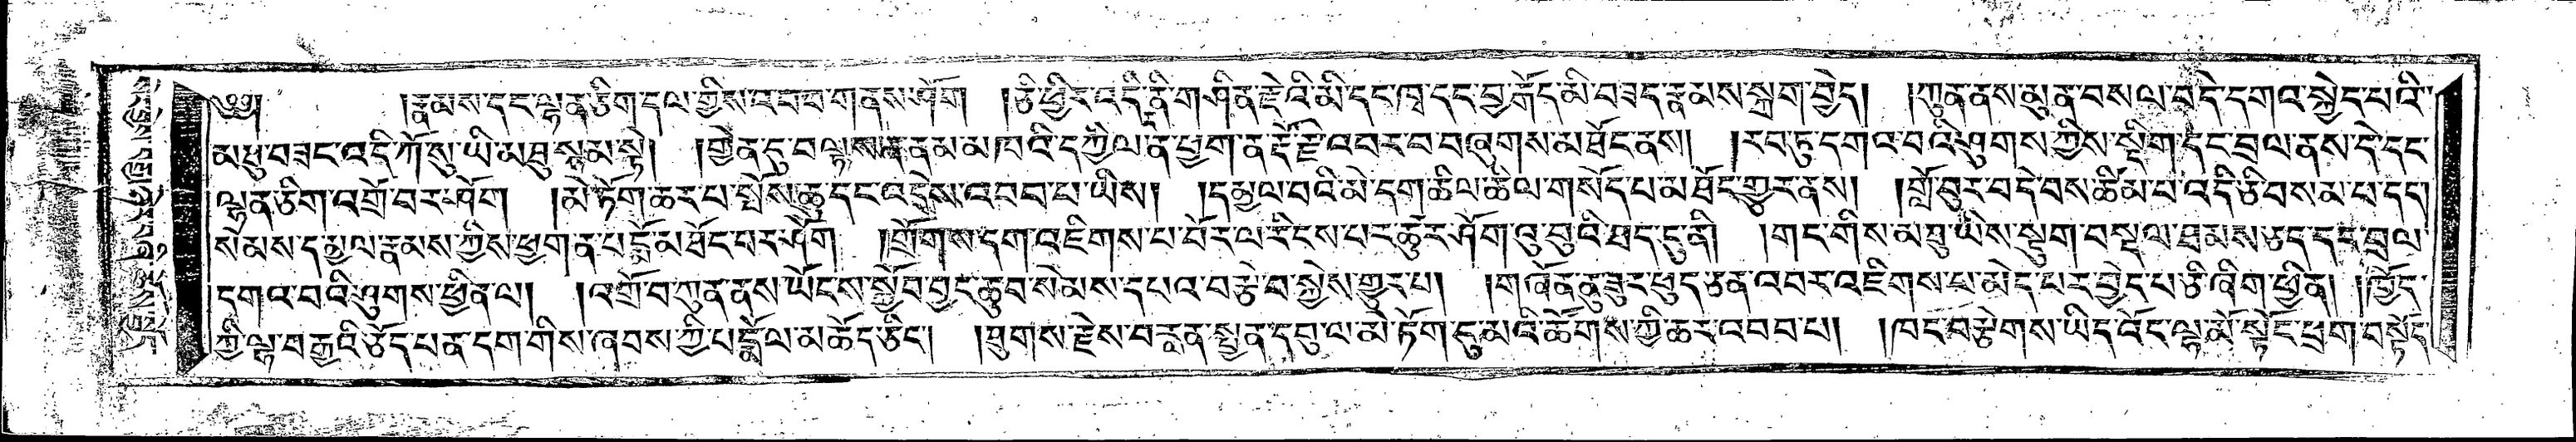༄༅། །རྣམས་དང་ལྷན་ཅིག་དལ་གྱིས་འབབ་གནས་ཤོག །ཅི་ཕྱིར་འདིར་ནི་གཤིན་རྗེའི་མི་དང་ཁྭ་དང་བྱ་རྒོད་མི་བཟད་རྣམས་སྐྲག་བྱེད། །ཀུན་ནས་མུན་བསལ་བདེ་དགའ་སྐྱེད་པའི་
མཐུ་བཟང་འདི་ཀོ་སུ་ཡི་མཐུ་སྙམ་སྟེ། །གྱེན་དུ་བལྟས་ན་ནམ་མཁའི་དཀྱིལ་ན་ཕྱག་ན་རྡོ་རྗེ་འབར་བ་བཞུགས་མཐོང་ནས། །རབ་ཏུ་དགའ་བའི་ཤུགས་ཀྱིས་སྡིག་དང་བྲལ་ནས་དེ་དང་
ལྷན་ཅིག་འགྲོ་བར་ཤོག །མེ་ཏོག་ཆར་པ་སྤོས་ཆུ་དང་འདྲེས་འབབ་པ་ཡིས། །དམྱལ་བའི་མེ་དག་ཆིལ་ཆིལ་གསོད་པ་མཐོང་གྱུར་ནས། །གློ་བུར་བདེ་བས་ཚིམ་པ་འདི་ཅི་བསམ་པ་དང་།
སེམས་དམྱལ་རྣམས་ཀྱིས་ཕྱག་ན་པདམོ་མཐོང་བར་ཤོག །གྲོགས་དག་འཇིགས་པ་བོར་ལ་རིངས་པར་ཚུར་ཤོག་འུ་བུའི་ཐད་དུ་ནི། །གང་གིས་མཐུ་ཡིས་སྡུག་བསྔལ་ཐམས་ཅད་དང་བྲལ་
དགའ་བའི་ཤུགས་ཕྱིན་ལ། །འགྲོ་བ་ཀུན་ནས་ཡོངས་སྐྱོབ་བྱང་ཆུབ་སེམས་དཔའ་བརྩེ་བ་སྐྱེས་གྱུར་པ། །གཞོན་ནུ་ཟུར་ཕུད་ཅན་འབར་འཇིགས་པ་མེད་པར་བྱེད་པ་ཅི་ཞིག་ཕྱིན། །ཁྱོད་
ཀྱི་ལྷ་བརྒྱའི་ཅོད་པན་དག་གིས་ཞབས་ཀྱི་པདམོ་ལ་མཆོད་ཅིང་། །ཐུགས་རྗེས་བརླན་སྤྱན་དབུ་ལ་མེ་ཏོག་དུ་མའི་ཚོགས་ཀྱི་ཆར་འབབ་པ། །ཁང་བརྩེགས་ཡིད་འོང་ལྷ་མོ་སྟོང་ཕྲག་བསྟོད་